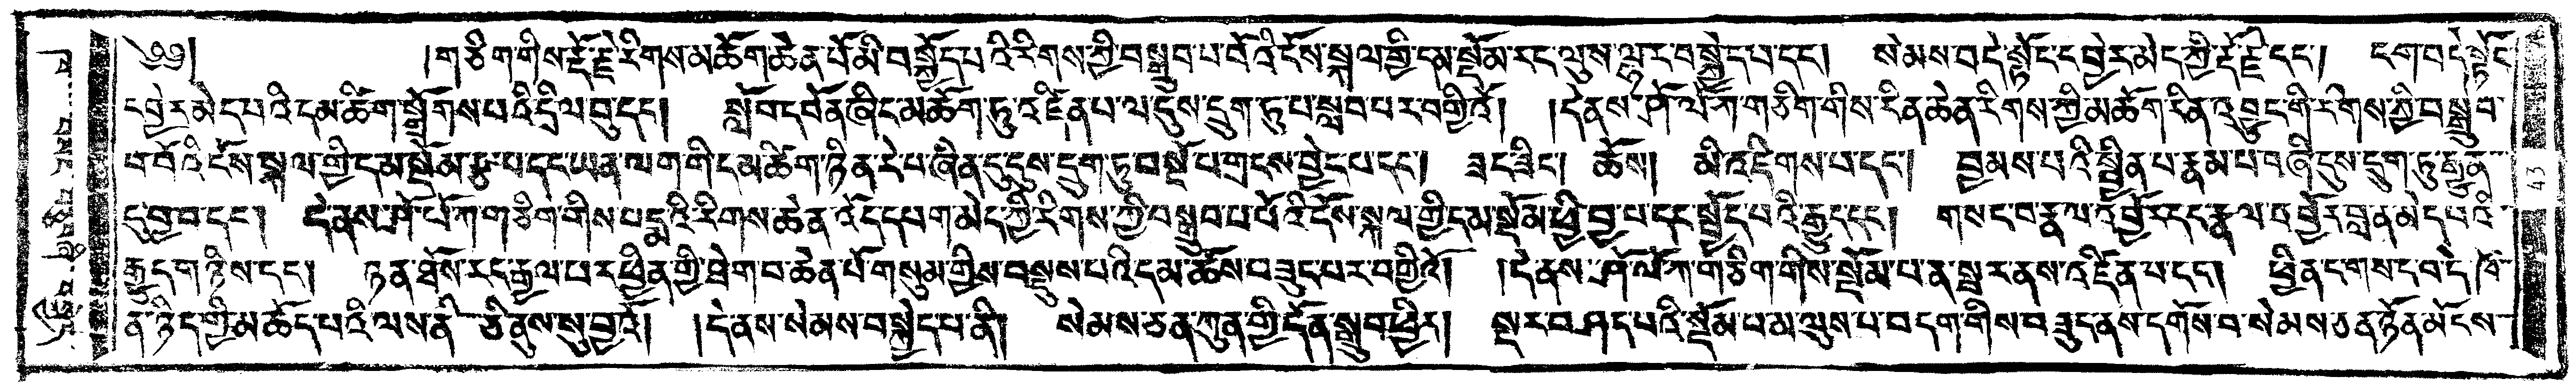༄༅། །གཅིག་གིས་རྡོ་རྗེ་རིགས་མཆོག་ཆེན་པོ་མི་བསྐྱོད་པའི་རིགས་ཀྱི་བསྒྲུབ་པ་བོའི་ངོས་སྐལ་གྱི་དམ་སྡོམ་རང་ལུས་ལྷར་བསྐྱེད་པ་དང་། སེམས་བདེ་སྟོང་དབྱེར་མེད་ཀྱི་རྡོ་རྗེ་དང་། ངག་བདེ་སྟོང་
དབྱེར་མེད་པའི་དམ་ཚིག་སྒྲོགས་པའི་དྲིལ་བུ་དང་། སློབ་དཔོན་ཞིང་མཆོག་ཏུ་འཛིན་པ་ལ་དུས་དྲུག་ཏུ་པ་སླབ་པར་བགྱིའོ། །དེ་ནས་ཤོ་ལོ་ཀ་གཅིག་གིས་རིན་ཆེན་རིགས་ཀྱི་མཆོག་རིན་འབྱུང་གི་རིགས་ཀྱི་བསྒྲུབ་
པ་བོའི་ངོས་སྐལ་གྱི་དམ་སྡོམ་རྩ་བ་དང་ཡན་ལག་གི་དམ་ཚིག་ཉིན་རེ་བཞིན་དུ་དུས་དྲུག་ཏུ་བསྔོ་བ་གྲངས་བྱེད་པ་དང་། ཟང་ཟིང་། ཆོས། མི་འཇིགས་པ་དང་། བྱམས་པའི་སྦྱིན་པ་རྣམ་པ་བཞི་དུས་དྲུག་ཏུ་རྒྱུན་
དུ་བྱ་བ་དང་། དེ་ནས་ཤོ་ལོ་ཀ་གཅིག་གིས་པདམའི་རིགས་ཆེན་འོད་དཔག་མེད་ཀྱི་རིགས་ཀྱི་བསྒྲུབ་པ་པོའི་ངོས་སྐལ་གྱི་དམ་སྡོམ་ཕྱི་བྱ་བ་དང་སྤྱོད་པའི་རྒྱུད་དང་། གསང་བ་རྣལ་འབྱོར་དང་རྣལ་འབྱོར་བླ་ན་མེད་པའི་
རྒྱུད་གཉིས་དང་། ཉན་ཐོས་རང་རྒྱལ་ཕར་ཕྱིན་གྱི་ཐེག་པ་ཆེན་པོ་གསུམ་གྱིས་བསྡུས་པའི་དམ་ཆོས་བཟུང་བར་བགྱིའོ། །དེ་ནས་ཤོ་ལོ་ཀ་གཅིག་གིས་སྡོམ་པ་ན་སྦར་ནས་འཛིན་པ་དང་། ཕྱི་ནང་གསང་བ་དེ་ཁོ་
ན་ཉིད་གྱི་མཆོད་པའི་ལས་ནི་ཅི་ནུས་སུ་བྱའོ། །དེ་ནས་སེམས་བསྐྱེད་པ་ནི། སེམས་ཅན་ཀུན་གྱི་དོན་སྒྲུབ་ཕྱིར། སྔར་བཤད་པའི་སྡོམ་པ་མ་ལུས་པ་བདག་གིས་བཟུང་ནས་དགོས་པ་སེམས་ཅན་ཉོན་མོངས་